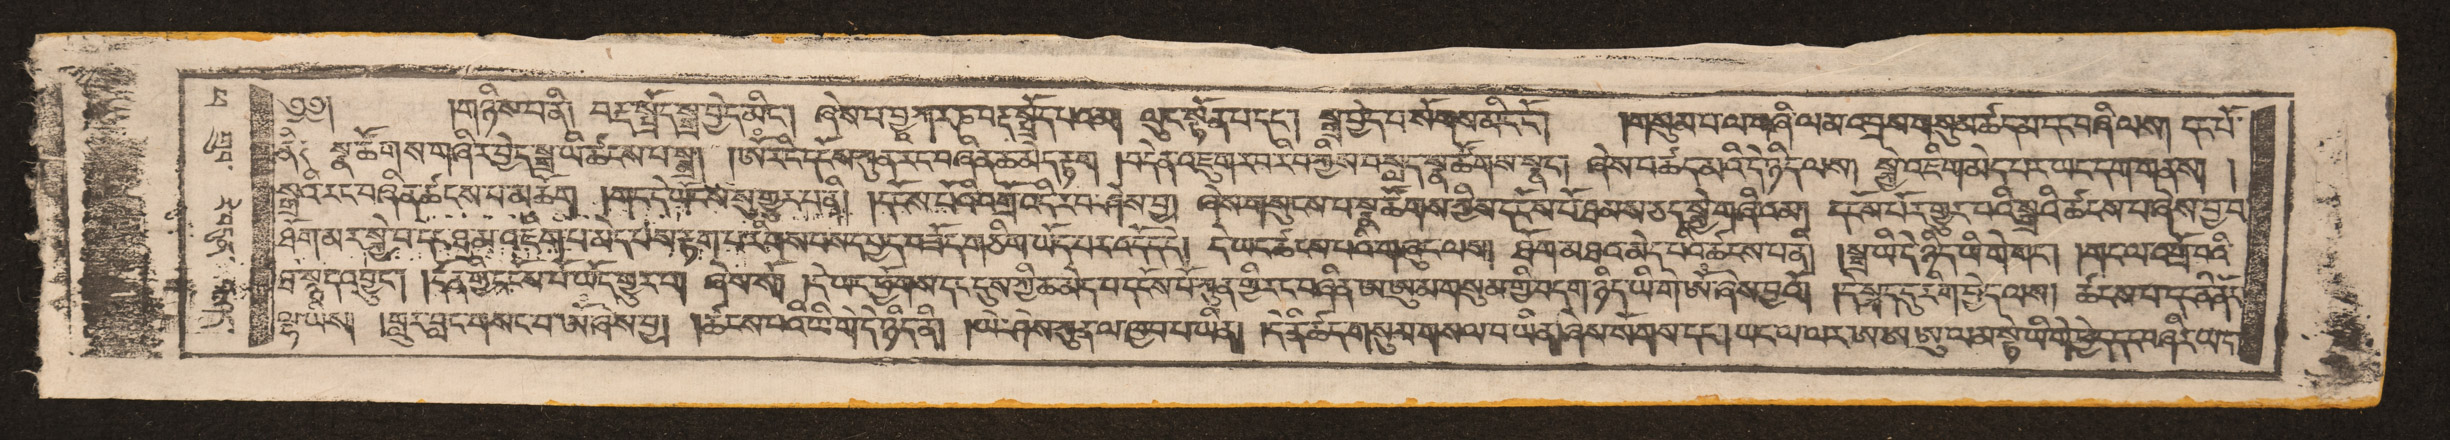༄༅། །གཉིས་པ་ནི། བརྡ་སྤྲོད་སྒྲ་བྱེད་མིང་། ཞེས་པ་བྱཱ་ཀ་ར་ཎ་བརྡ་སྤྲོད་པའམ། ལུང་སྟོན་པ་དང་། སྒྲ་བྱེད་པ་སོགས་མིང་ངོ། །གསུམ་པ་ལ་གཞི་ལམ་འབྲས་གསུམ་ཚད་མ་དང་བཞི་ལས། དང་པོ་
ནི༑ སྣ་ཚོགས་གཞིར་བྱེད་སྒྲ་ཡི་ཚངས་པ་སྨྲ། །ཨོཾ་རིང་དངོས་ཀུན་རང་བཞིན་ཆ་མེད་རྟག །བདེན་འཇུག་རབ་རིབ་ཀྱིས་བསླད་སྣ་ཚོགས་སྣང་། ཞེས་པ་ཚད་མའི་དེ་ཉིད་ལས། སྐྱེ་འཇིག་མེད་པར་ཡང་དག་གནས། །
སྒྲའི་རང་བཞིན་ཚངས་པ་མཆོག །གང་དེ་ཡོངས་སུ་གྱུར་པ་ནི། །དངོས་པོའི་འགྲོ་འདིར་བ་ཤེས་བྱ། ཞེས་གསུངས་པ་སྣ་ཚོགས་ཀྱིས་དངོས་པོ་ཐམས་ཅད་སྐྱེ་གཞི་འམ། དངོས་པོར་གྱུར་པའི་སྒྲའི་ཚངས་པ་ཞེས་བྱ་བ་
ཐོག་མར་སྐྱེ་བ་དང་ཐ་མ་འཇིག་པ་མེད་པས་རྟག་པ་རིགས་པས་དཔྱད་བཟོད་གཅིག་ཡོད་པར་འདོད་དེ། དེ་ཡང་ཚངས་པའི་གཞུང་ལས། ཐོག་མཐའ་མེད་པའི་ཚངས་པ་ནི། །སྒྲ་ཡི་དེ་ཉིད་ཡི་གེ་གང་། །གང་ལ་འགྲོ་བའི་
ཐ་སྙད་འབྱུང་། །དོན་གྱི་དངོས་པོ་ཡོད་གྱུར་པ། ཞེས་སོ། །དེ་ཡང་ཕྱོགས་དང་དུས་ཀྱི་ཆ་མེད་པ་དངོས་པོ་ཀུན་གྱི་རང་བཞིན་ཨ་ཨུ་མ་གསུམ་གྱི་བདག་ཉིད་ཡི་གེ་ཨོཾ་ཞེས་བྱའོ། །དེ་སྐད་དུ་རིག་བྱེད་ལས། ཚངས་པ་དང་ནི་ནོར་
ལྷ་ཡིས། །གླུར་བླང་གསང་བ་ཨོཾ་ཞེས་བྱ། །ཚངས་པའི་ཡི་གེ་དེ་ཉིད་ནི། །ཡེ་ཤེས་ཀུན་ལ་ཁྱབ་པ་ཡིན། །དེ་ནི་ཚད་གསུམ་གསལ་བ་ཡིན། ཞེས་སོགས་དང་། ཡང་ལ་ལར་ཨ་ཨ་ཨུ་ལམ་སྟེ་ཡི་གེ་ཕྱེད་དང་བཞིར་ཡང་